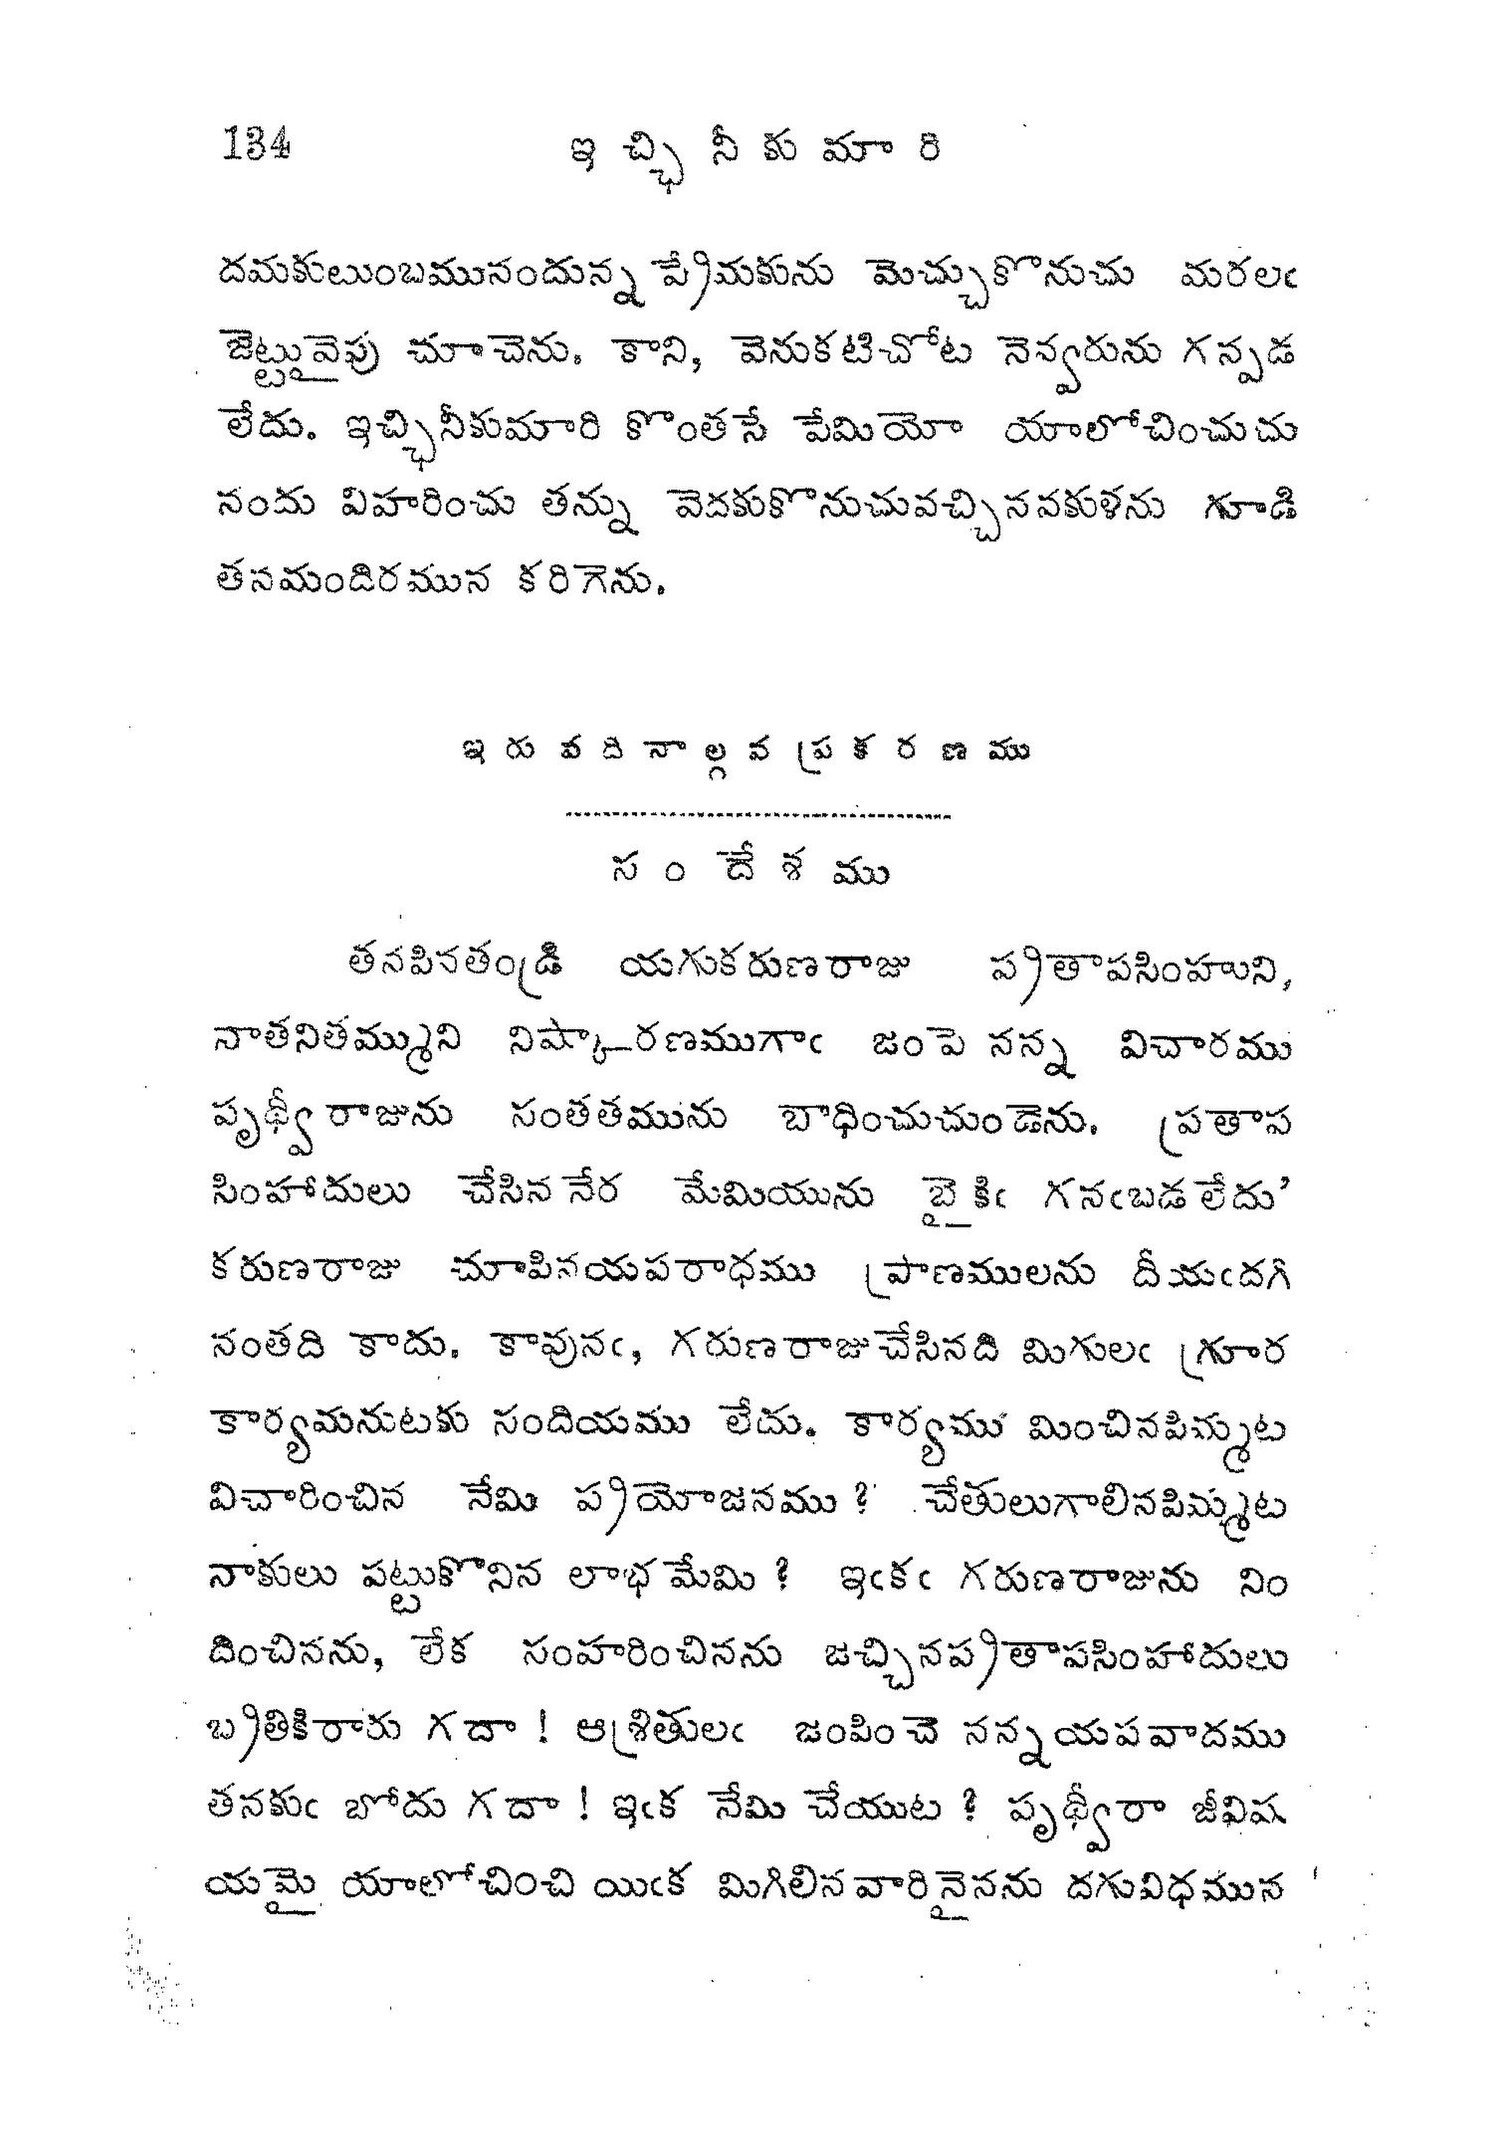దమకులుంబమునందున్న ప్రేమకును మెచ్చుకొనుచు మరల
జెట్టు వైపు చూచెను. కాని, వెనుక టి చోట నెవ్వరును గన్పడ
లేదు. ఇచ్ఛినీ కుమారి కొంత సేపేమియో యాలోచించుచు
నందు విహరించు తన్ను వెదకుకొనుచువచ్చిన వకుళను గూడి
తనమందిరమున కరిగెను.

తన పినతండ్రి యగు కరుణ రాజు ప్రతాపసింహుని,
నాతని తమ్ముని నిష్కారణముగాఁ జంపె నన్న విచారము
పృథ్వీ రాజును సంతతమును బాధించుచుండెను. ప్రతాప
సింహాదులు చేసిన నేర మేమియును బై కిఁ గనఁబడ లేదు'
కరుణ రాజు చూపిన యపరాధము ప్రాణములను దీయఁదగి
నంతది కాదు. కావునఁ, గరుణ రాజు చేసినది మిగులఁ గ్రూర
కార్యమనుటకు సందియము లేదు. కార్యము మించిన పిమ్మట
విచారించిన నేమి ప్రయోజనము ? .చేతులుగాలిన పిమ్మట
నాకులు పట్టుకొనిన లాభమేమి ? ఇఁకఁ గరుణ రాజును నిం
దించినను, లేక సంహరించినను జచ్చిన ప్రతాపసింహాదులు
బతికి రారు గదా ! ఆశ్రితులఁ జంపించె నన్నయపవాదము
తనకుఁ బోదు గదా ! ఇక నేమి చేయుట ! పృథ్వీరా జీవిష
యమై యాలోచించి యిఁక మిగిలిన వారి నైనను దగువిధమున